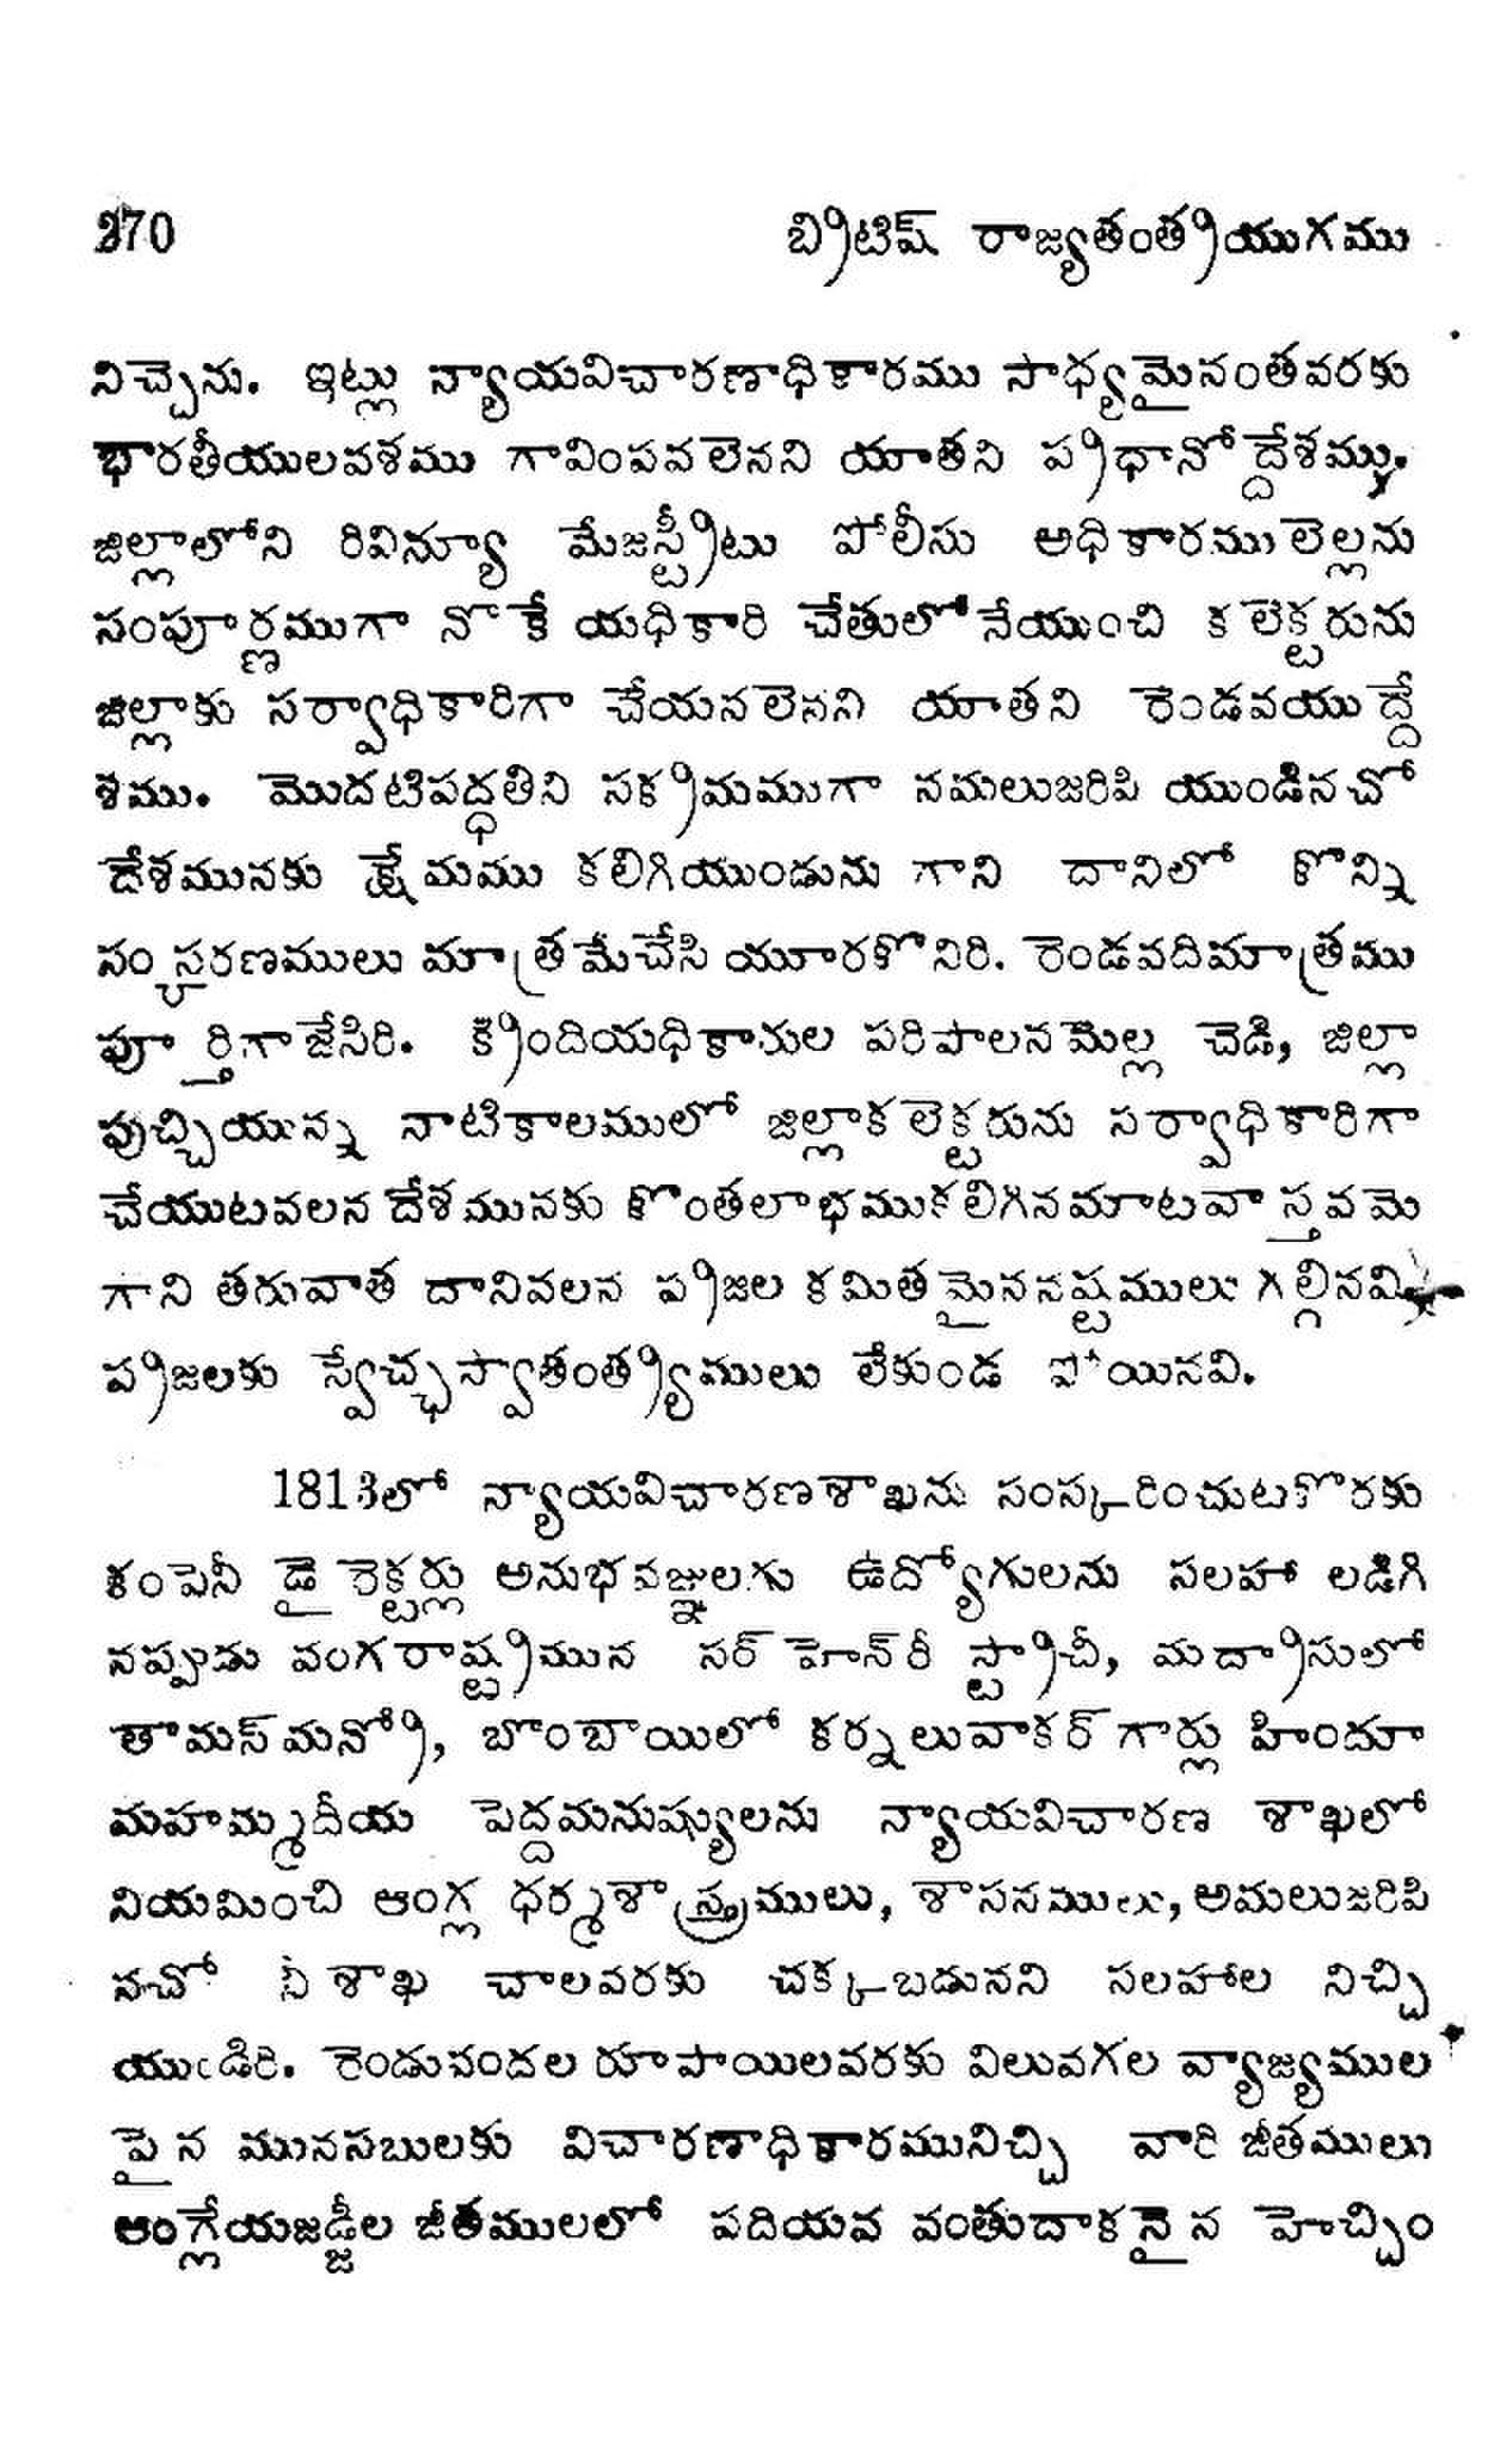నిచ్చెను. ఇట్లు న్యాయవిచారణాధికారము సాధ్యమైనంతవరకు భారతీయులవశము గావింపవలెనని యాతని ప్రధానోద్దేశము, జిల్లాలోని రివిన్యూ మేజస్ట్రీటు పోలీసు అధికారములెల్లను సంపూర్ణముగా నొకే యధికారి చేతులోనేయుంచి కలెక్టరును జిల్లాకు సర్వాధికారిగా చేయవలెనని యాతని రెండవయుద్దేశము. మొదటిపద్ధతిని సక్రమముగా నమలుజరిపి యుండినచో దేశమునకు క్షేమము కలిగియుండును గాని దానిలో కొన్ని సంస్కరణములు మాత్రమేచేసి యూరకొనిరి. రెండవదిమాత్రము పూర్తిగాజేసిరి. క్రిందియధికారుల పరిపాలనమెల్ల చెడి, జిల్లా పుచ్చియున్న నాటికాలములో జిల్లాకలెక్టరును సర్వాధికారిగా చేయుటవలన దేశమునకు కొంతలాభముకలిగినమాటవాస్తవమె గాని తరువాత దానివలన ప్రజల కమితమైన నష్టములు గల్గినవి. ప్రజలకు స్వేచ్ఛస్వాతంత్యములు లేకుండ పోయినవి.

1813లో న్యాయవిచారణశాఖను సంస్కరించుటకొరకు కంపెనీ డైరెక్టర్లు అనుభవజ్ఞులగు ఉద్యోగులను సలహా లడిగినప్పుడు వంగరాష్ట్రమున సర్ హెన్‌రీ స్ట్రాచీ, మద్రాసులో తామస్ మన్రో, బొంబాయిలో కర్నలువాకర్ గార్లు హిందూ మహమ్మదీయ పెద్దమనుష్యులను న్యాయవిచారణ శాఖలో నియమించి ఆంగ్ల ధర్మశాస్త్రములు, శాసనములు, అమలుజరిపినచో నీ శాఖ చాలవరకు చక్కబడునని సలహాల నిచ్చి యుఁడిరి. రెండువందల రూపాయిలవరకు విలువగల వ్యాజ్యముల పైన మునసబులకు విచారణాధికారమునిచ్చి వారి జీతములు ఆంగ్లేయజడ్జీల జీతములలో పదియవ వంతుదాకనైన హెచ్చిం